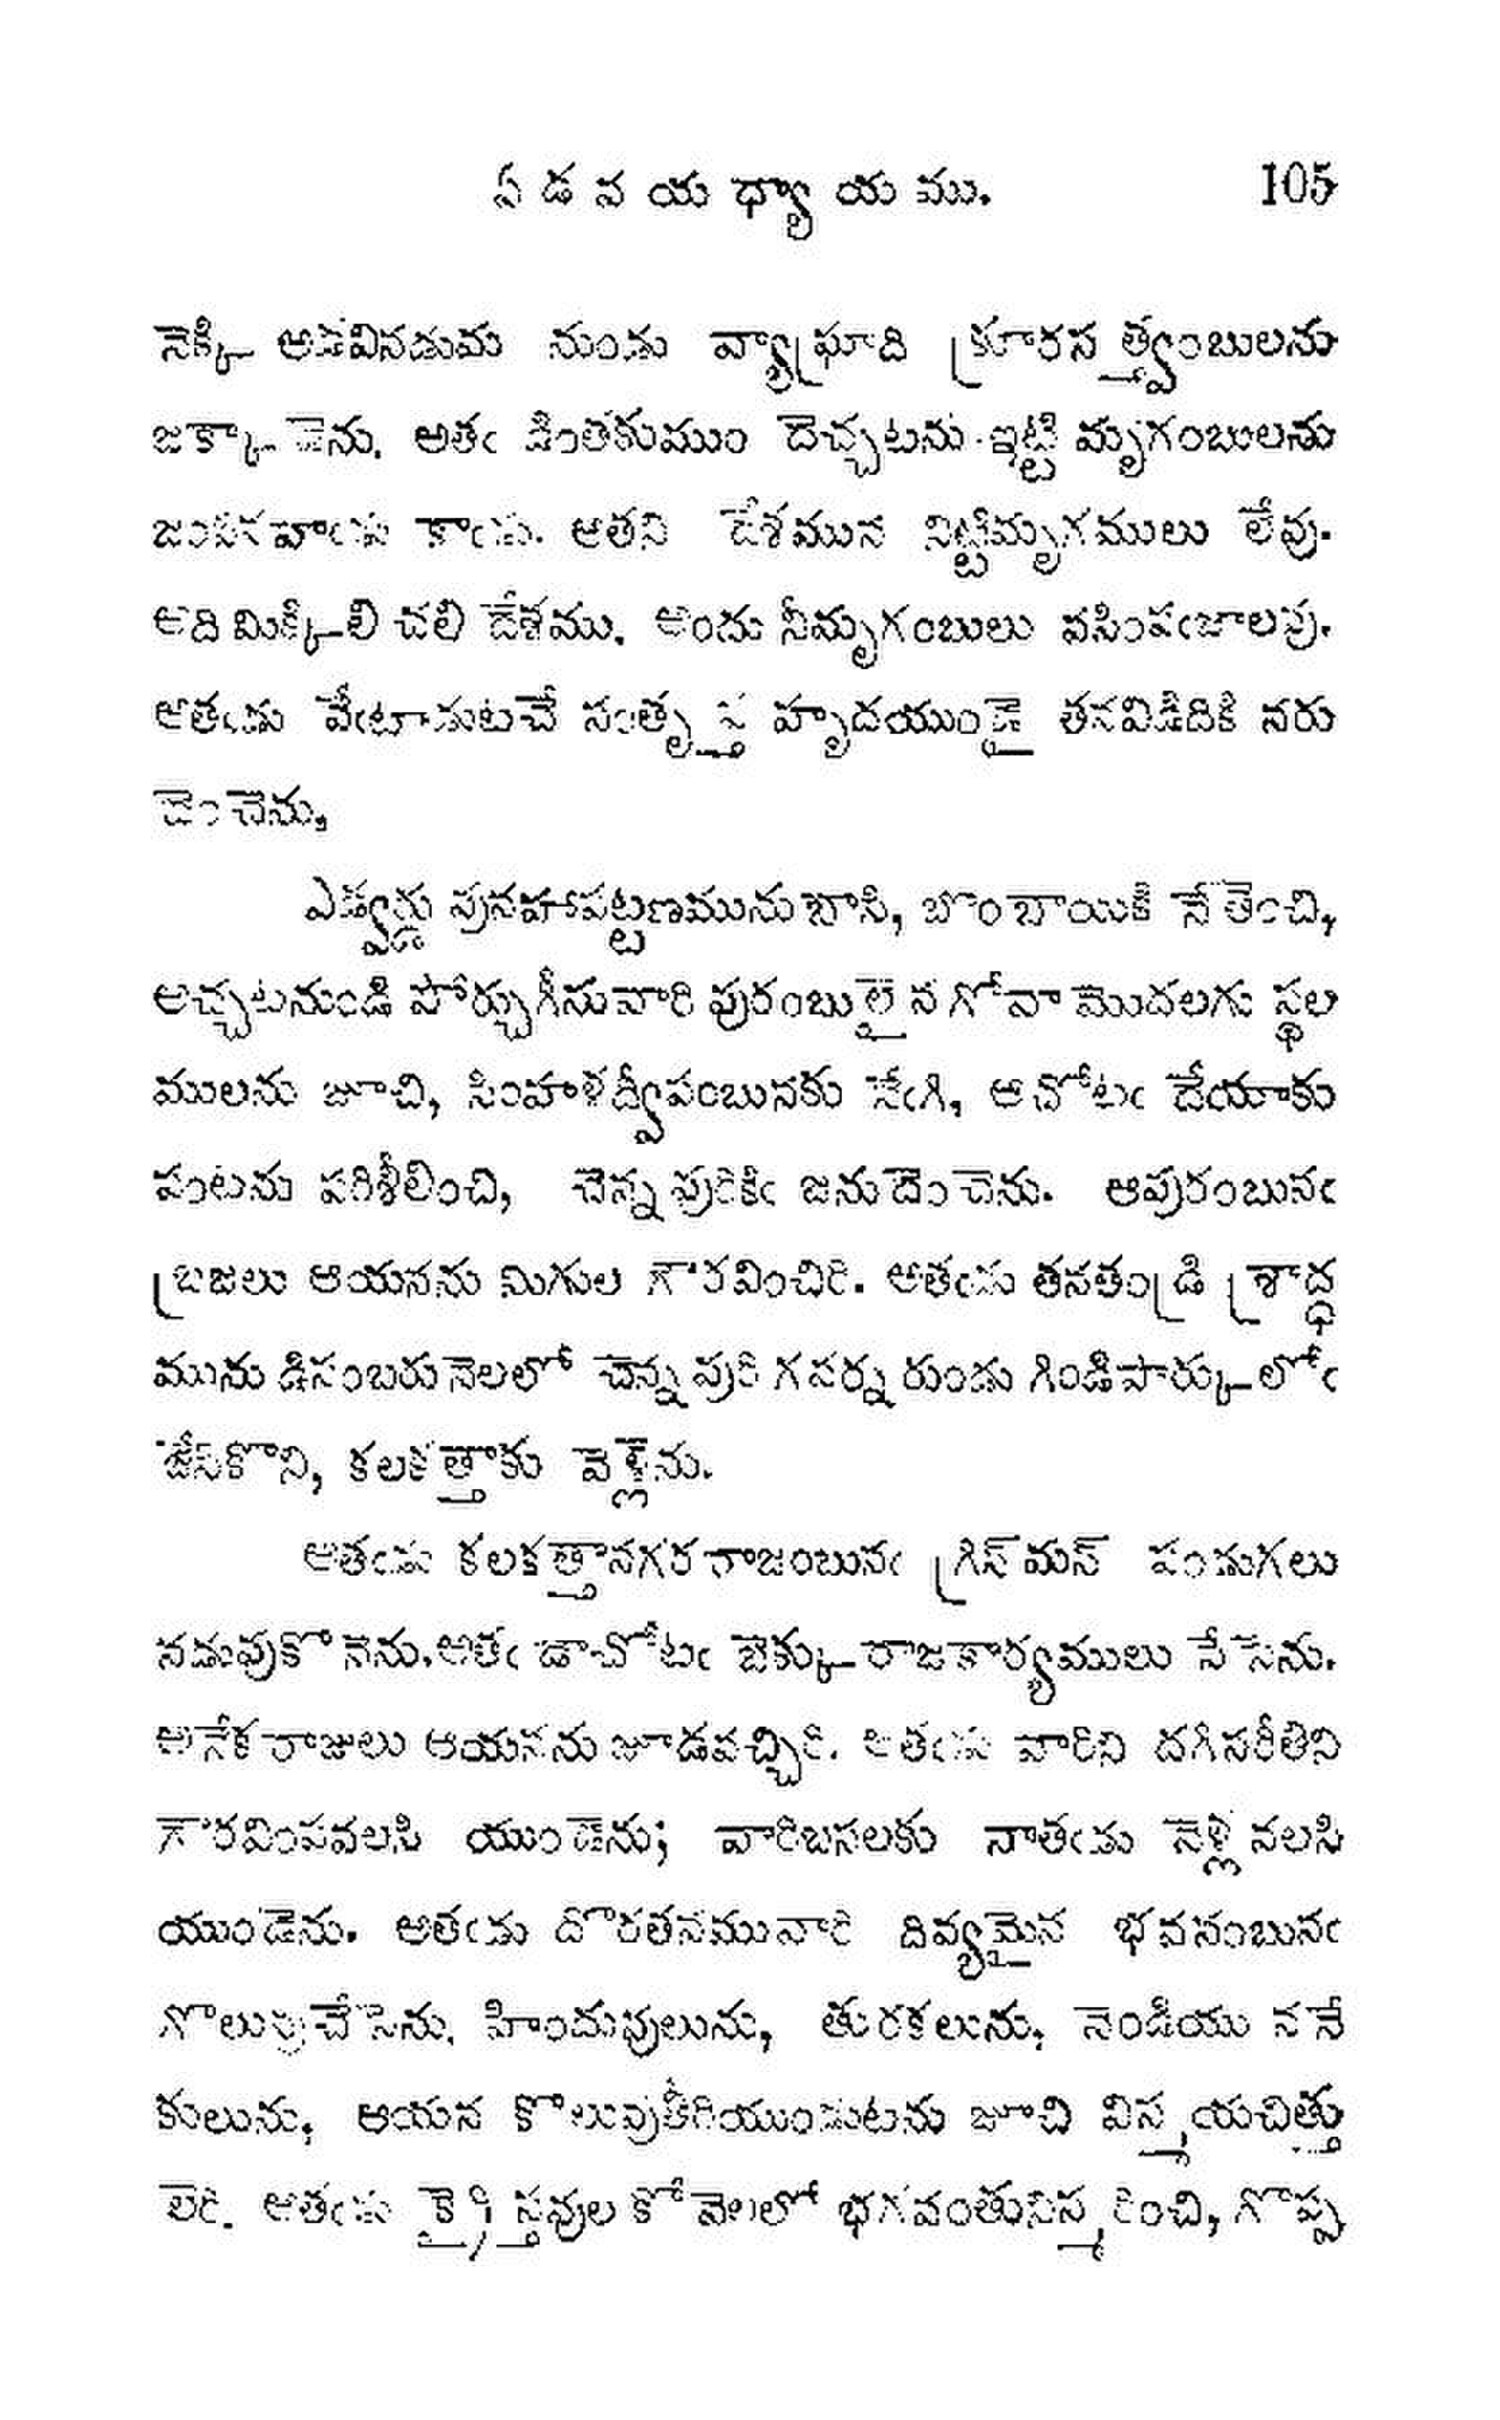నెక్కి, అవి వినడుమ నుండు వ్యాఘ్రాది క్రూర సత్వంబులను జక్కాడెను. అతఁ దీంతకుముం దెచ్చటను ఇట్టి మృగంబులను జంపినవాడు కాడు. అతని దేశమున నీమృగములు లేవు. ఆది మిక్కిలి చలి చేశము, అందుస మృగంబులు వసింప జాలపు, ఆతఁడు "వేఁటాడుటచే సంతృప్తహృదయుండై తన విడిదికి నరు దెంచెను. ఎడ్వర్లు పుసహా పట్టణమును బాసి, బొంబాయికి నేతెంచి, అచ్చటనుండి పోర్చుగీసు వారి పురంబు లైన గోనా మొదలగు స్థల ములను జూచి, సింహళ ద్వీపంబునకు నేగి ఆచోటం దేయాకు పంటను పరిశీలించి, చెన్న పురికీఁ జను దెంచెను. ఆపురంబున బ్రజులు ఆయనను మిగుల గౌరవించిరి. అతఁను తనతండ్రి శ్రాద్ధ మును డిసంబరు నెలలో చెన్న పురి గవర్నరుండు గిండీ పార్కులో జేసి కొని, కలకత్తాకు వెళ్లను.

ఆతడు కలకత్తానగర రాజంబునఁ గ్రిస్ మస్ పండుగలు నడువుకొనెను, అతఁడాచోటఁ బెక్కు రాజ కార్యములు సేసెను. అనేక రాజులు ఆయనను జూడవచ్చిరి. అతడు వారిని దగిస రీతిని గౌరవింపవలసి యుండెను; వారి బసలకు నాతఁడు నెళ్ల వలసి యుండెను. అతఁడు దొరతనమునారి దివ్యమైన భవనంబునఁ గొలువు చేసెను. హిందువులును, తురకలును, వెండియు ననే కులును, ఆయన కొలువు తీరియుండుటను జూచి విస్మయ చిత్తు లైరి ఆతడు క్రైస్తవుల కోవెలలో భగవంతుని స్మరించి, గొప్ప